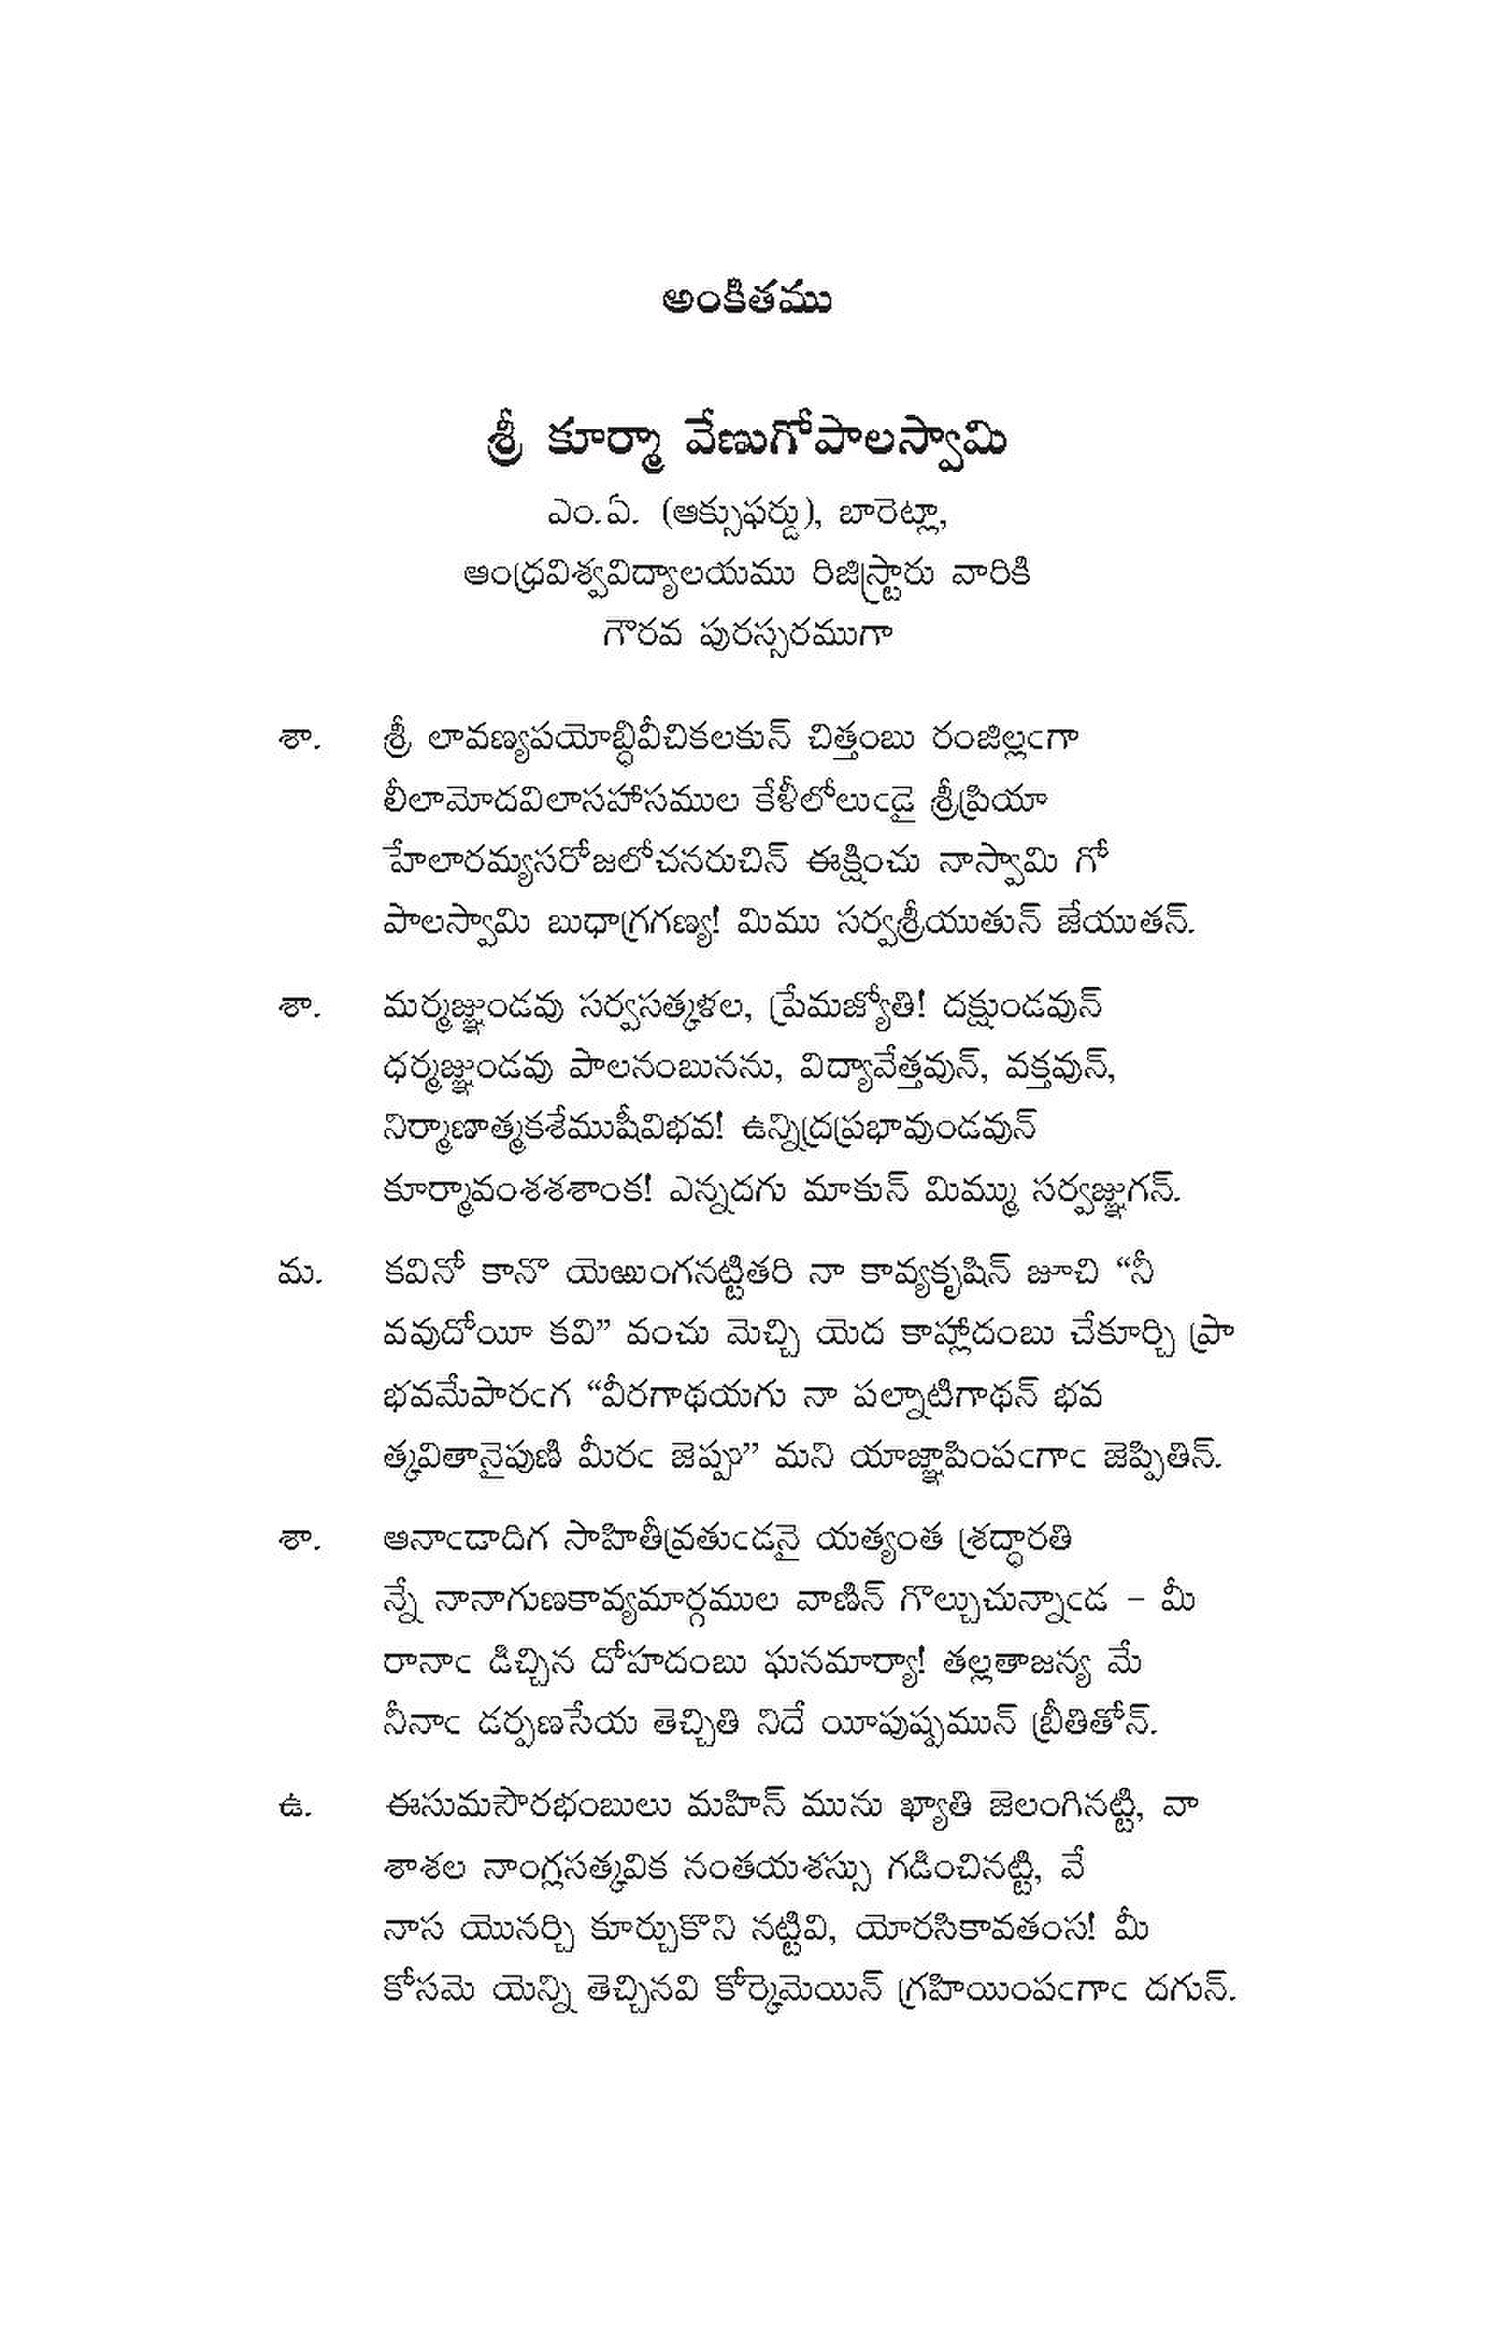శా. శ్రీ లావణ్యపయోబ్ధివీచికలకున్ చిత్తంబు రంజిల్లఁగా
 లీలామోదవిలాసహాసముల కేళీలోలుఁడై శ్రీప్రియా
 హేలారమ్యసరోజలోచనరుచిన్ ఈక్షించు నాస్వామి గో
 పాలస్వామి బుధాగ్రగణ్య! మిము సర్వశ్రీయుతున్ జేయుతన్.

శా. మర్మజ్ఞుండవు సర్వసత్కళల, ప్రేమజ్యోతి! దక్షుండవున్
 ధర్మజ్ఞుండవు పాలనంబునను, విద్యావేత్తవున్, వక్తవున్,
 నిర్మాణాత్మకశేముషీవిభవ! ఉన్నిద్రప్రభావుండవున్
 కూర్మావంశశశాంక! ఎన్నదగు మాకున్ మిమ్ము సర్వజ్ఞుగన్.

మ. కవినో కానొ యెఱుంగనట్టితరి నా కావ్యకృషిన్ జూచి "నీ
 వవుదోయీ కవి" వంచు మెచ్చి యెద కాహ్లాదంబు చేకూర్చి ప్రా
 భవమేపారఁగ “వీరగాథయగు నా పల్నాటిగాథన్ భవ
 త్కవితానైపుణి మీరఁ జెప్పు" మని యాజ్ఞాపింపఁగాఁ జెప్పితిన్.

శా. అనాఁడాదిగ సాహితీవ్రతుఁడనై యత్యంత శ్రద్ధారతి
 న్నే నానాగుణకావ్యమార్గముల వాణిన్ గొల్చుచున్నాఁడ - మీ
 రానాఁ డిచ్చిన దోహదంబు ఘనమార్యా! తల్లతాజన్య మే
 నీనాఁ డర్పణసేయ తెచ్చితి నిదే యీపుష్పమున్ బ్రీతితోన్.

ఉ. ఈసుమసౌరభంబులు మహిన్ మును ఖ్యాతి జెలంగినట్టి, వా
 శాశల నాంగ్లసత్కవిక నంతయశస్సు గడించినట్టి, వే
 నాస యొనర్చి కూర్చుకొని నట్టివి, యోరసికావతంస! మీ
 కోసమె యెన్ని తెచ్చినవి కోర్కెమెయిన్ గ్రహియింపఁగాఁ దగున్.